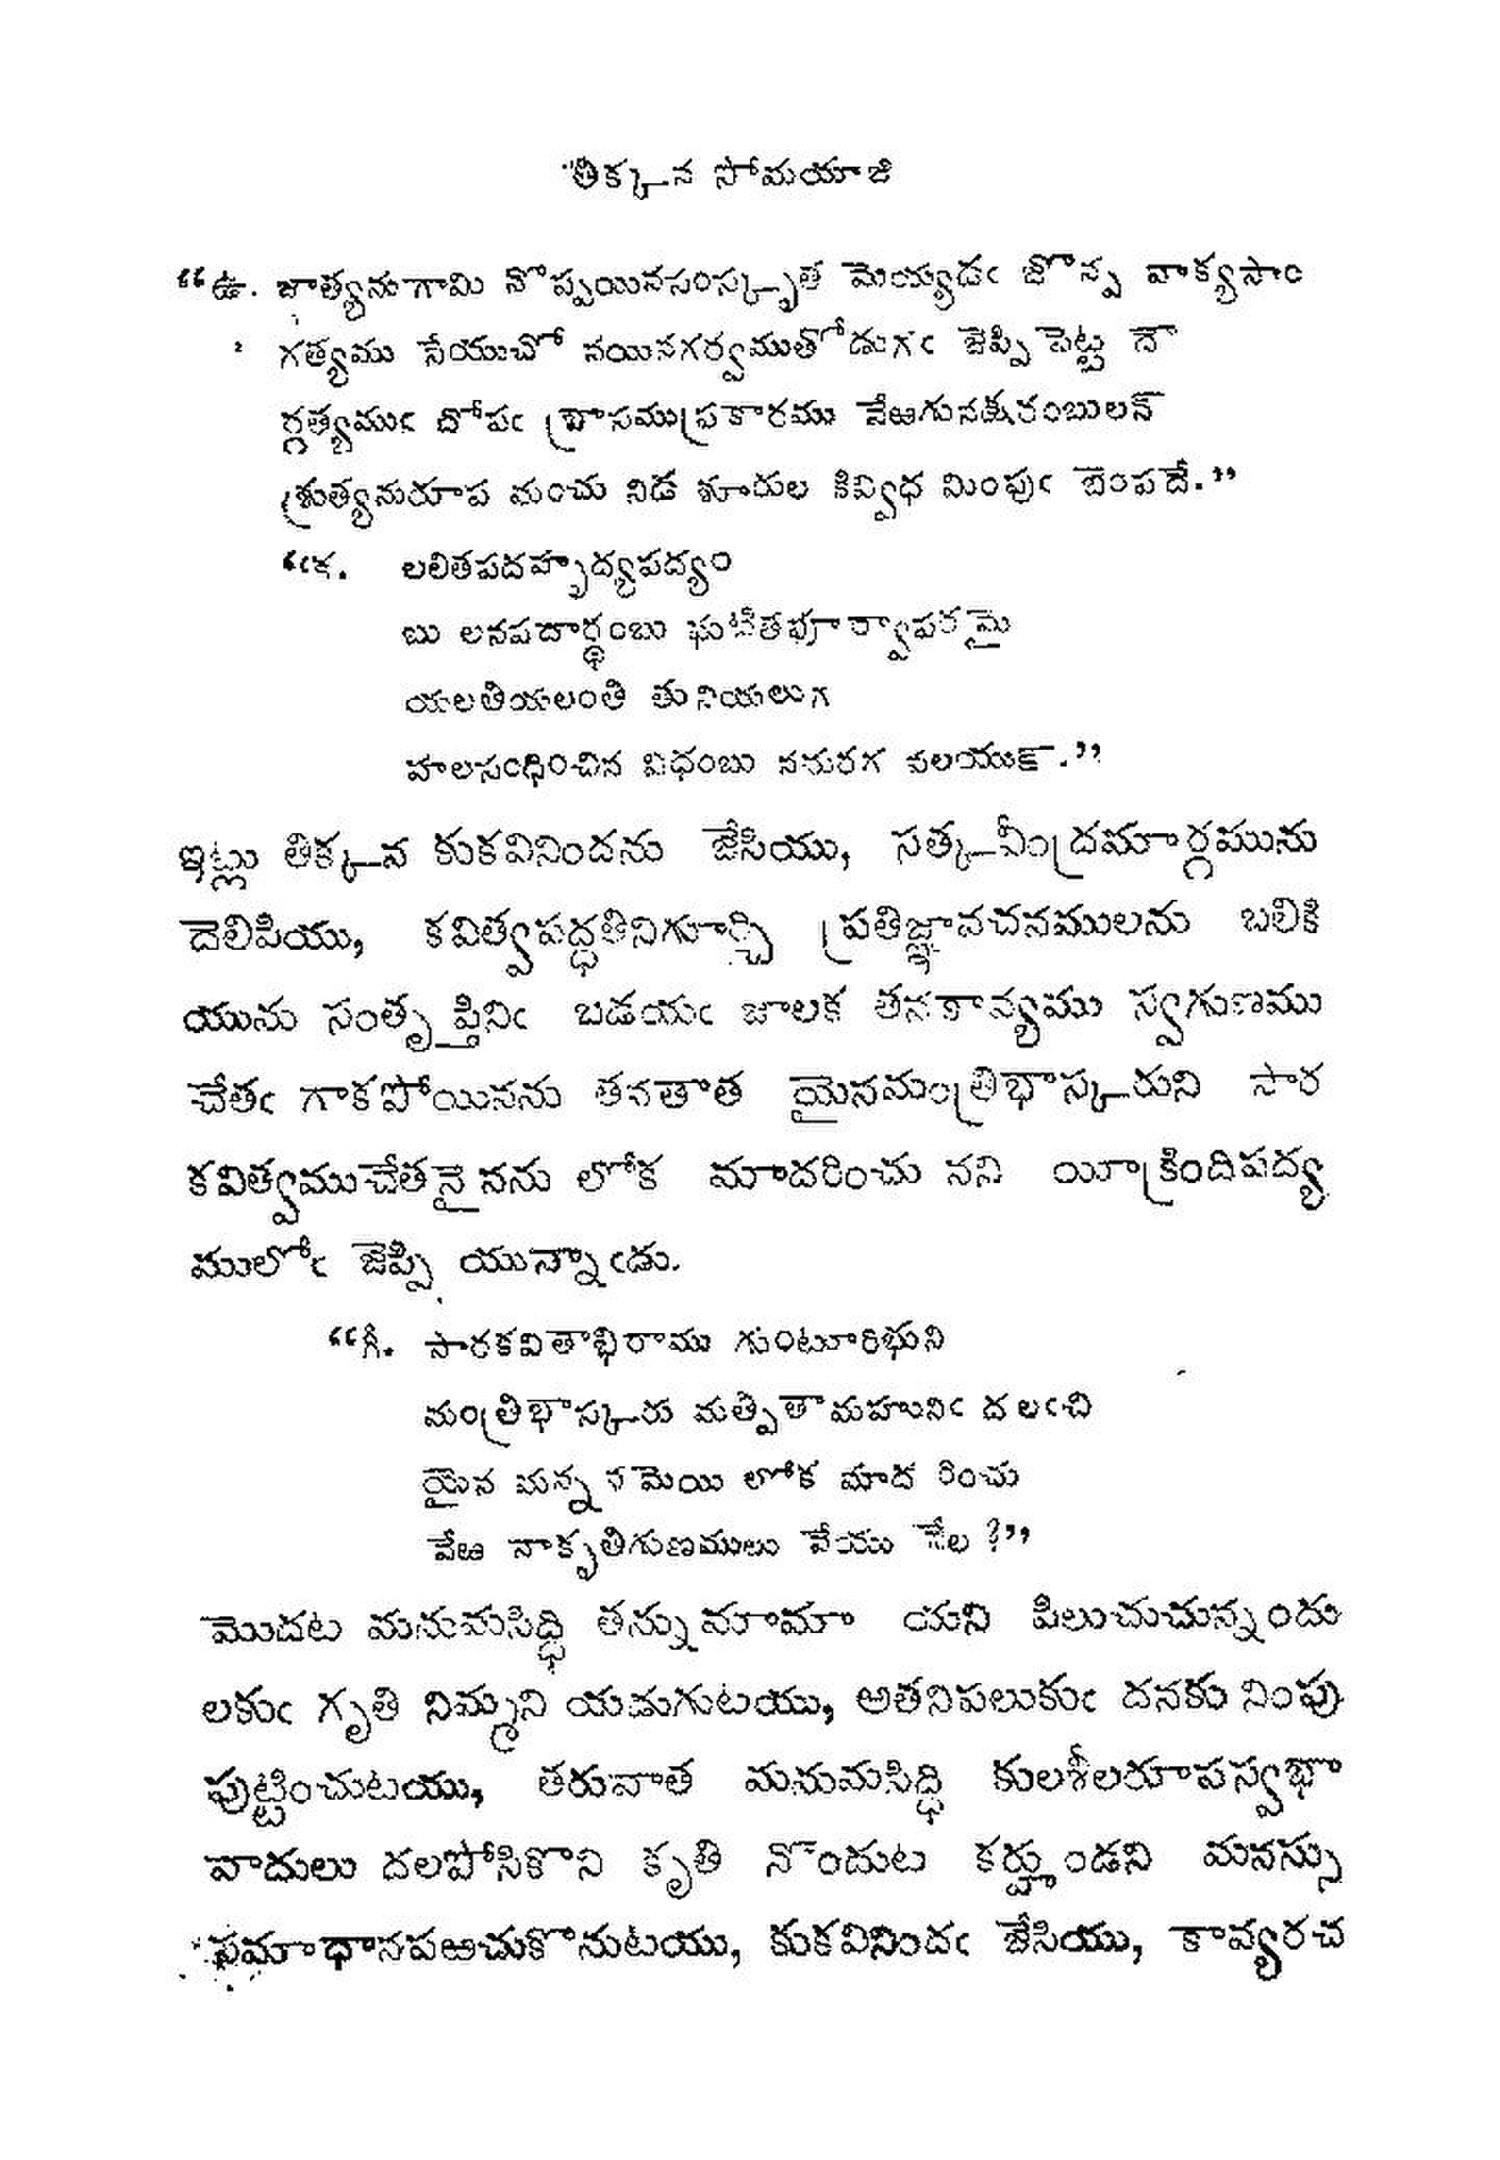"ఉ. జాత్యనుగామి నొప్పయినసంస్కృత మెయ్యడఁ జొన్ప వాక్యసాం 
 గత్యము సేయుచో నయినగర్వముతోడుగఁ జెప్పి పెట్ట దౌ 
 ర్గత్యముఁ దోపఁ బ్రాసముప్రకారము వేఱగునక్షరంబులన్ 
 శ్రుత్యనురూప మంచు నిడ శూరుల కివ్విధ మింపుఁ బెంపదే." 

"క. లలితపదహృద్యపద్యం
 బు లనపదార్థంబు ఘటితపూర్వాపరమై 
 యలతియలంతి తునియలుగ
 హలసంధించిన విధంబు నమరగ వలయు౯." 
ఇట్లు తిక్కన కుకవినిందను జేసియు, సత్కవీంద్రమార్గమును దెలిపియు, కవిత్వపద్దతినిగూర్చి ప్రతిజ్ఞావచనములను బలికియును సంతృప్తినిఁ బడయఁ జూలక తనకావ్యము స్వగుణముచేతఁ గాకపోయినను తనతాత యైనమంత్రి భాస్కరుని సారకవిత్వముచేతనైనను లోక మాదరించు నని యీ క్రిందిపద్యములోఁ జెప్పి యున్నాఁడు. 

"గీ. సారకవితాభిరాము గుంటూరిభుని 
 మంత్రిభాస్కరు మత్పితామహునిఁ దలఁచి 
 యైన మన్ననమెయి లోక మాధరించు
 వేఱ నాకృతిగుణములు వేయు నేల?" 
మొదట మనుమసిద్ది తన్నుమామా యని పిలుచుచున్నందులకుఁ గృతి నిమ్మని యడుగుటయు, అతనిపలుకుఁ దనకునింపు పుట్టించుటయు, తరువాత మనుమసిద్ది కులశీలరూపస్వభావాదులు దలపోసికొని కృతి నొందుట కర్హుండని మనస్సు సమాధానపఱచు కొనుటయు, కుకవినిందఁ జేసియు, కావ్యరచ